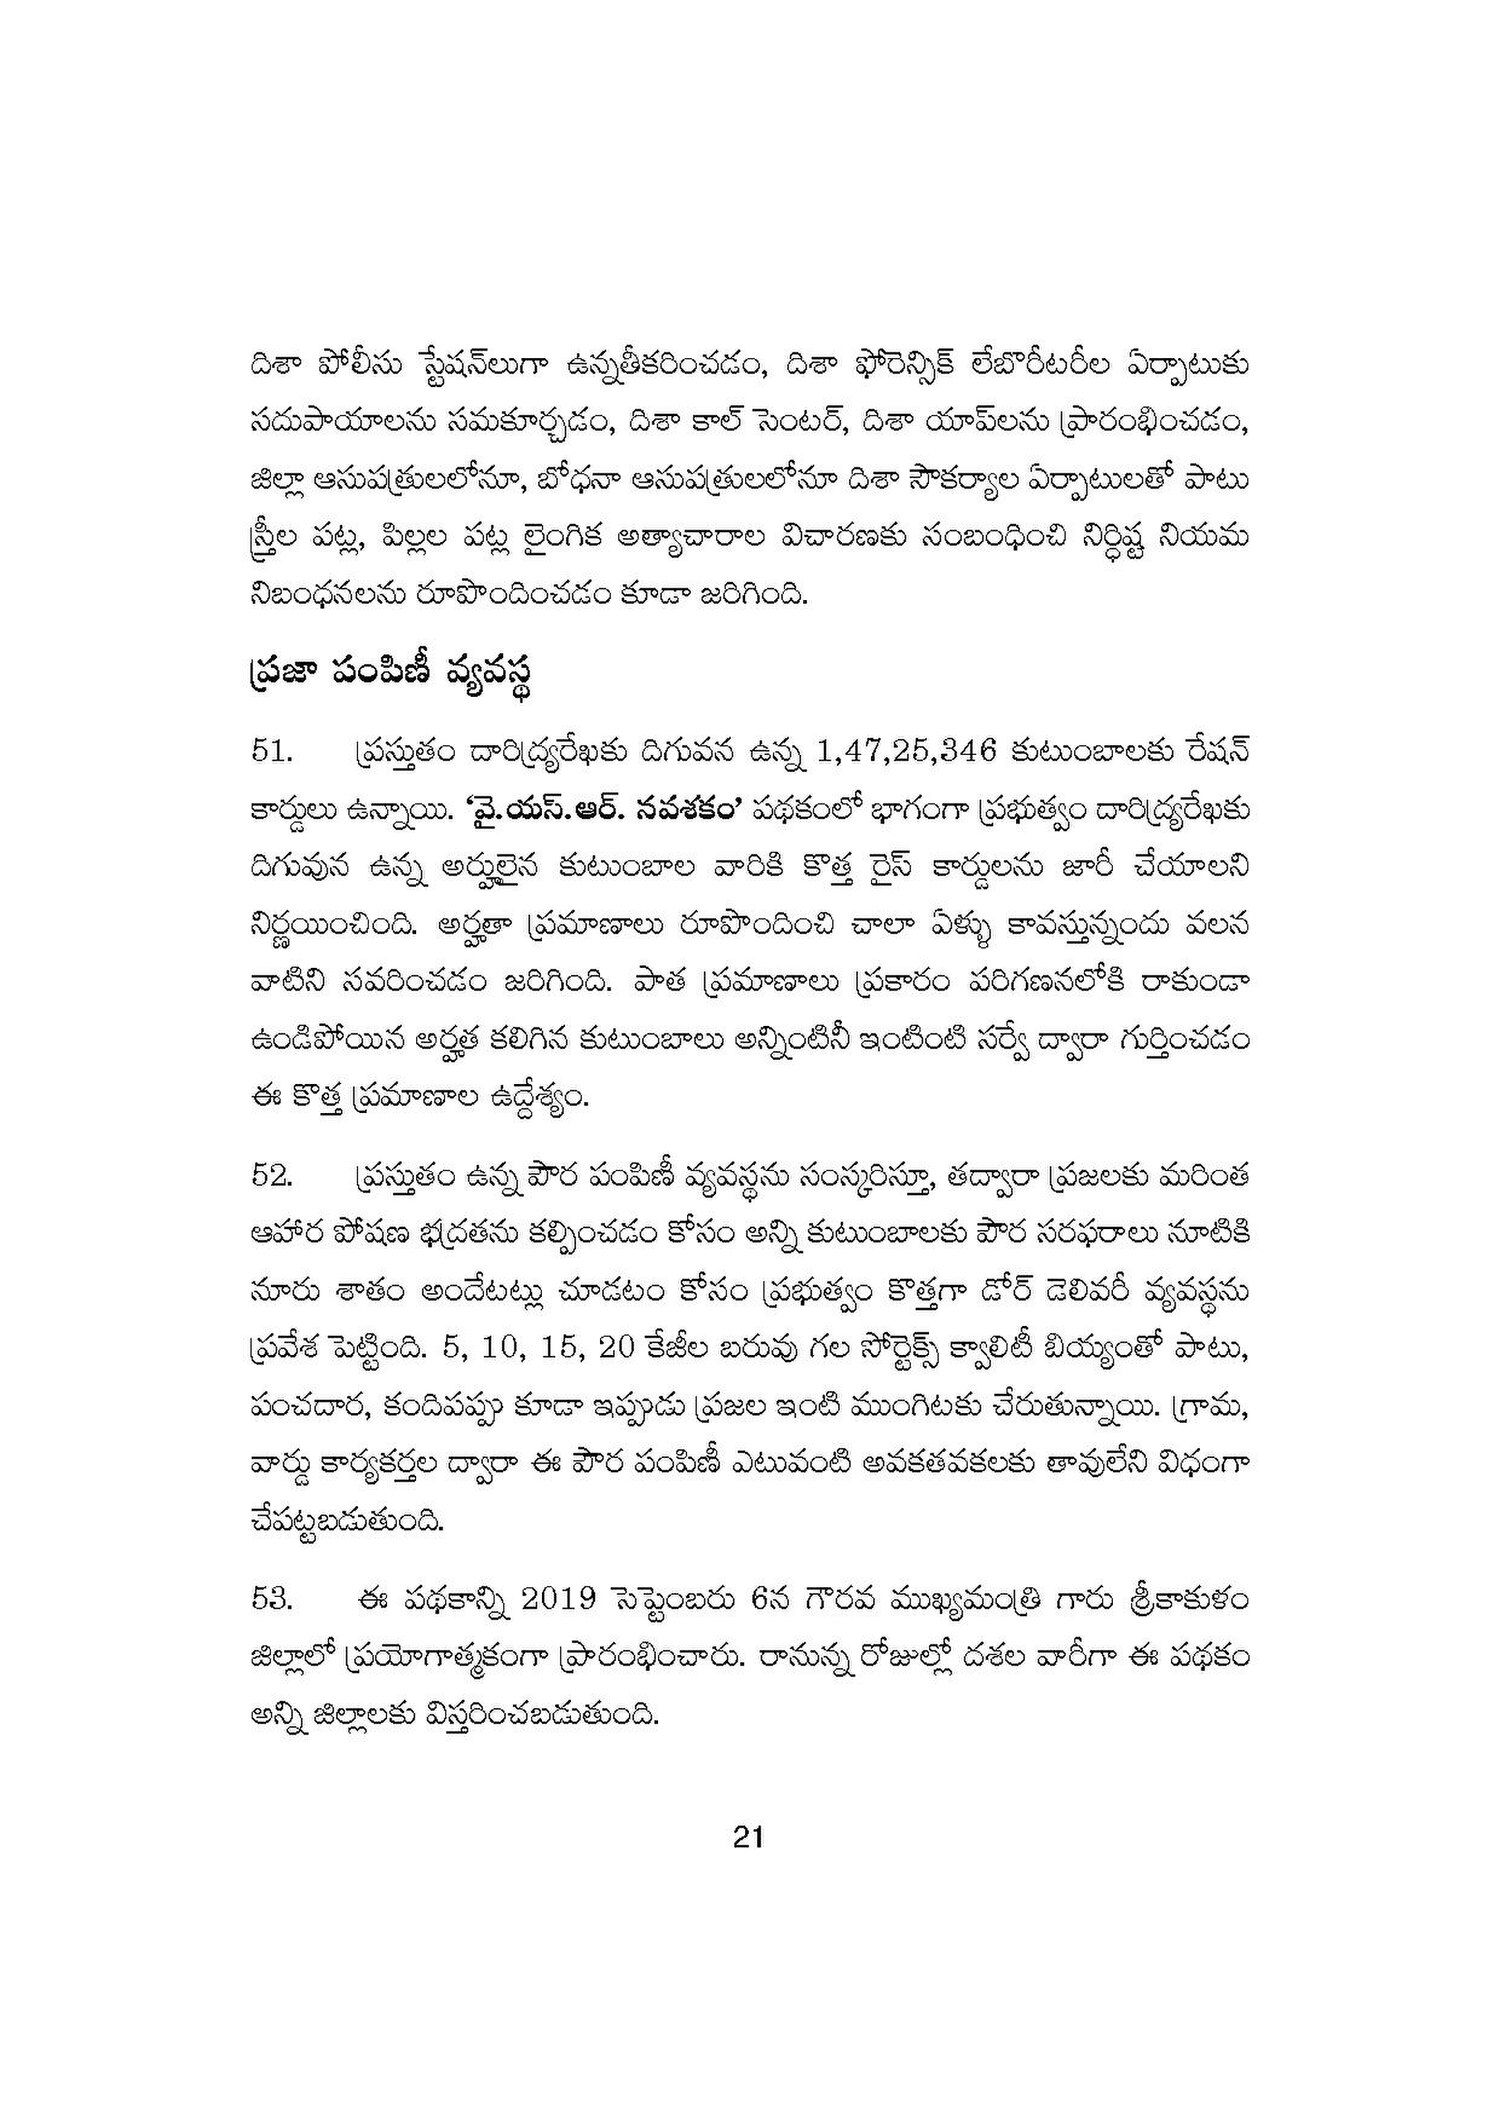దిశా పోలీసు స్టేషన్లుగా ఉన్నతీకరించడం, దిశా ఫోరెన్సిక్ లేబొరీటరీల ఏర్పాటుకు సదుపాయాలను సమకూర్చడం, దిశా కాల్ సెంటర్, దిశా యాప్లను ప్రారంభించడం, జిల్లా ఆసుపత్రులలోనూ, బోధనా ఆసుపత్రులలోనూ దిశా సౌకర్యాల ఏర్పాటులతో పాటు స్త్రీల పట్ల,
పిల్లల పట్ల లైంగిక అత్యాచారాల విచారణకు సంబంధించి నిర్ధిష్ట నియమ నిబంధనలను రూపొందించడం కూడా జరిగింది. 

ప్రజా పంపిణీ వ్యవస్థ 

51. ప్రస్తుతం దారిద్ర్యరేఖకు దిగువన ఉన్న 1,47,25,346 కుటుంబాలకు రేషన్ కార్డులు ఉన్నాయి. 'వై.యస్.ఆర్. నవశకం' పథకంలో భాగంగా ప్రభుత్వం దారిద్ర్యరేఖకు దిగువున ఉన్న అర్హులైన కుటుంబాల వారికి కొత్త రైస్ కార్డులను జారీ చేయాలని నిర్ణయించింది. అర్హతా ప్రమాణాలు రూపొందించి చాలా ఏళ్ళు కావస్తున్నందు వలన వాటిని సవరించడం జరిగింది. పాత ప్రమాణాలు ప్రకారం పరిగణనలోకి రాకుండా ఉండిపోయిన అర్హత కలిగిన కుటుంబాలు అన్నింటినీ ఇంటింటి సర్వే ద్వారా గుర్తించడం ఈ కొత్త ప్రమాణాల ఉద్దేశ్యం. 

52. ప్రస్తుతం ఉన్న పౌర పంపిణీ వ్యవస్థను సంస్కరిస్తూ, తద్వారా ప్రజలకు మరింత ఆహార పోషణ భద్రతను కల్పించడం కోసం అన్ని కుటుంబాలకు పౌర సరఫరాలు నూటికి నూరు శాతం అందేటట్లు చూడటం కోసం ప్రభుత్వం కొత్తగా డోర్ డెలివరీ వ్యవస్థను ప్రవేశ పెట్టింది. 5, 10, 15, 20 కేజీల బరువు గల సోర్టెక్స్ క్వాలిటీ బియ్యంతో పాటు, పంచదార, కందిపప్పు కూడా ఇప్పుడు ప్రజల ఇంటి ముంగిటకు చేరుతున్నాయి. గ్రామ, వార్డు కార్యకర్తల ద్వారా ఈ పౌర పంపిణీ ఎటువంటి అవకతవకలకు తావులేని విధంగా చేపట్టబడుతుంది. 

53. ఈ పథకాన్ని 2019 సెప్టెంబరు 6న గౌరవ ముఖ్యమంత్రి గారు శ్రీకాకుళం జిల్లాలో ప్రయోగాత్మకంగా ప్రారంభించారు. రానున్న రోజుల్లో దశల వారీగా ఈ పథకం అన్ని జిల్లాలకు విస్తరించబడుతుంది.